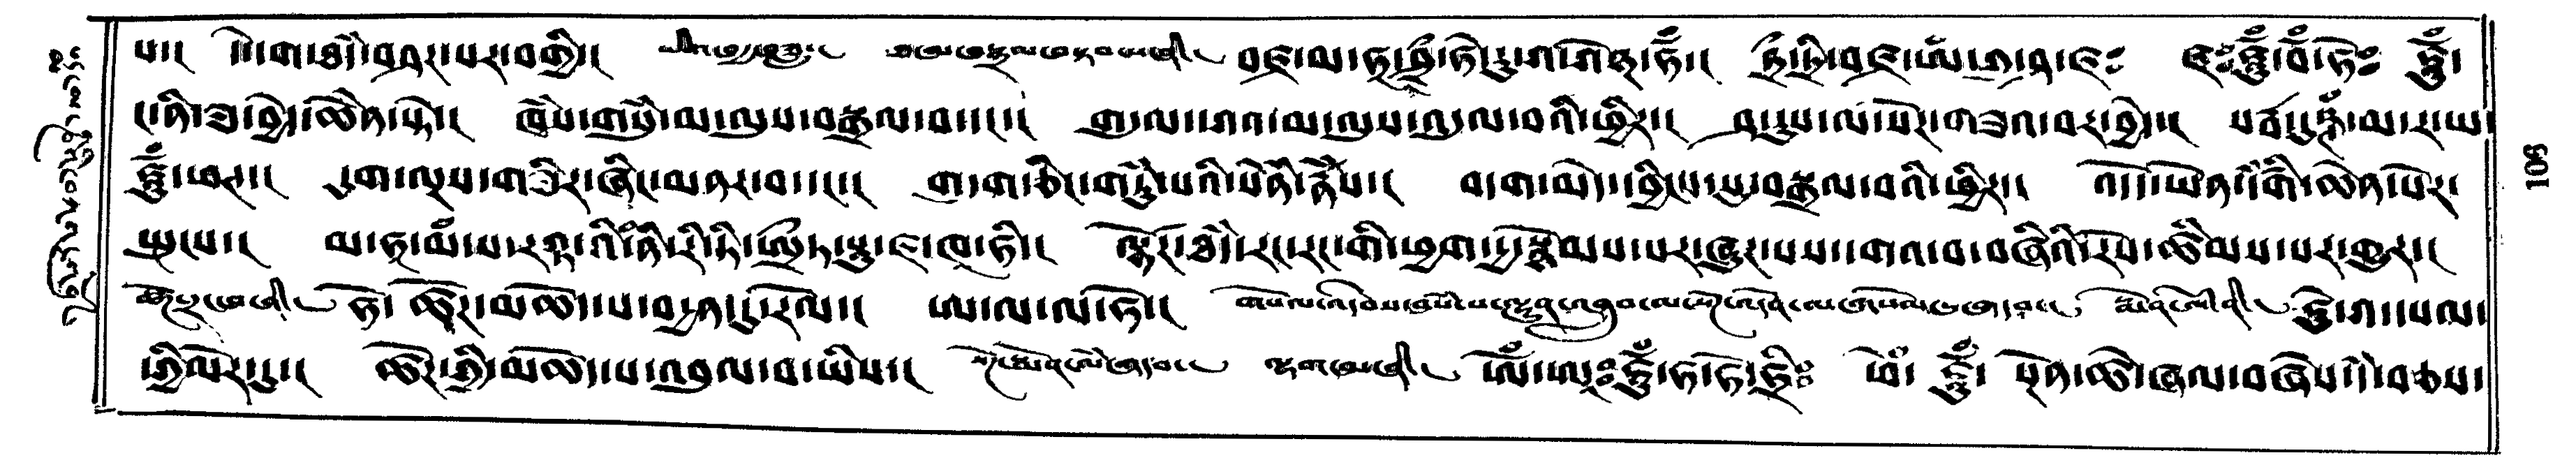པ། དེ་དག་ཐམས་ཅད་བཤགས་པར་བགྱི། ཡིག་བརྒྱ་བཟླ། ཐ་མ་བསྒྲལ་བསྟབ་པ་ནི། བཛྲ་མ་ཧཱ་ཤྲཱྀ་ཧེ་རུ་ཀ་ཀོཉཧྃ། ནྲྀ་ཏྲི་བཛྲ་ཨཾ་ཀུ་ཤ་ཛཿ ཛཿཧཱུྃ་བྃ་ཧོཿ ཧཱུྃ། 
ང་ནི་ཟ་བྱེད་ཆེན་པོ་སྟེ། །ཁམས་གསུམ་མ་ལུས་བསྒྲལ་བ་དང་། །གདུལ་དཀའ་མ་ལུས་འདུལ་བའི་ཕྱིར། །ཤ་རུས་ལ་སོགས་གཟའ་བར་བྱེད། སརྦ་དུཥྚཾ་མ་ར་ཡ་
ཧཱུྃ་ཕཊ། དུག་ལྔས་གཟིར་ཞིང་མནར་བ་དང་། གདུག་ཅིང་གཏུམ་པའི་སེམས་ཅན་རྣམས། །བདག་མེད་དབྱིངས་སུ་བསྒྲལ་བའི་ཕྱིར། །འདོད་ཡོན་དམ་ཚིག་ཆེན་པོར
སྤུངས། །མ་ཧཱ་མཾ་ས་རཀྟ་ཀིཾ་ནི་རི་ཏི་ཨ་མྲྀ་ཏ་པཱུ་ཛ་ཁཱ་ཧི། ལྷ་ཚོགས་ཐམས་ཅད་རང་རང་གི་ཕྱག་རྒྱ་སྙོམས་པར་ཞུགས་པས་དགའ་བ་བཞིའི་རོས་ཚིམས་པར་གྱུར། 
ཚོགས་དྲང་བ་ནི། ཧོ། ཚོགས་ཀྱི་མཆོད་པ་བརྒྱན་དུ་རོལ། ཨ་ལ་ལ་ཧོ། གསོལ་འདེབས་བསམ་པ་ལྷུན་འགྲུབ་ལ་སོགས་འདོན་ལ་གསོལ་བ་གདབ། སྨོན་ལམ་ནི། ཧེ་རུ་ཀ་དཔལ་
དཀྱིལ་འཁོར་དུ། །ཚོགས་ཀྱི་མཆོད་པ་འབུལ་བ་ཡིས། །སོགས་སྨོན་ལམ་གདབ། ལྷག་མ་ནི། ཨོཾ་ཨཱཿཧཱུྃ་ཧ་ཧོ་ཧྲིཿ ཕེཾཿ ཧཱུྃ། སྔོན་ཚེ་ཞལ་བཞེས་དམ་བཅས་